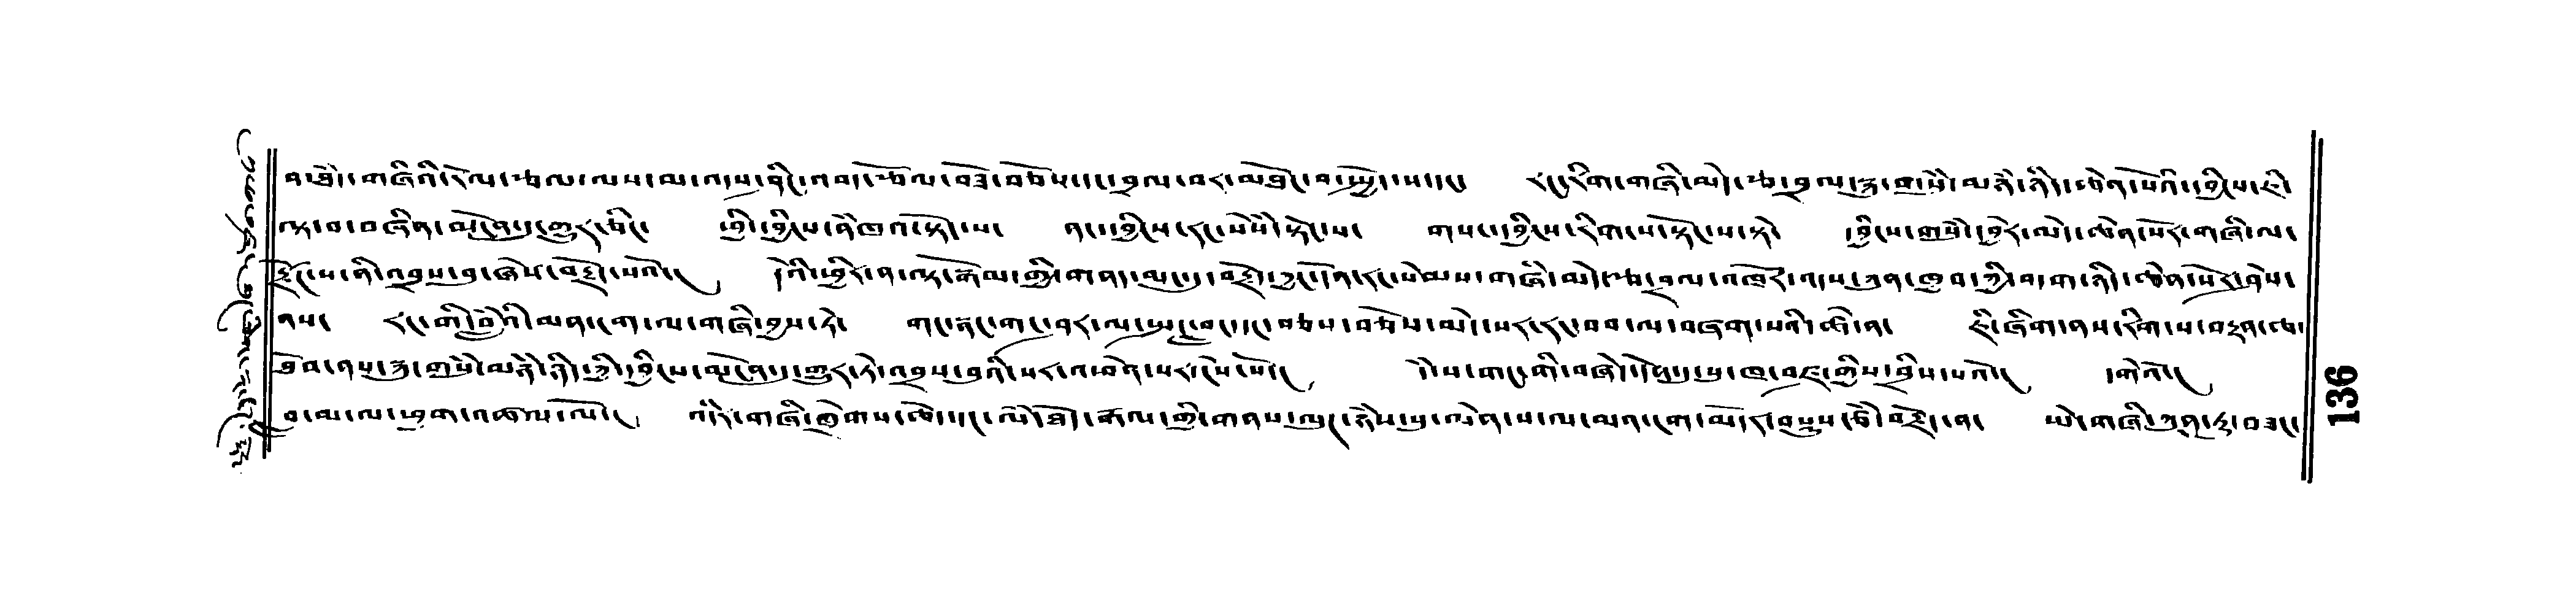བ་ཐམས་ཅད་གཞིའི་རོལ་རྩལ་ལས་མ་འདས་ཤིང་འབད་རྩོལ་བཟོ་བཅོས་དང་བྲལ་བར་མཐོང་བ་སྤྱོད་པ་དང་། རང་རིག་གཞི་མེད་རྩ་བྲལ་སྐུ་གསུམ་མཉམ་ཉིད་ཆེན་པོའི་དབྱིངས་ཇི་
ལྟ་བ་བཞིན་མངོན་དུ་གྱུར་ཅིང་། ཕྱི་དབྱིངས་ནམ་མཁའ་སྟོང་པ། ནང་དབྱིངས་རང་སེམས་སྟོང་པ། གསང་དབྱིངས་རིག་པ་སྟོང་པ་སྟེ། དབྱིངས་གསུམ་དབྱེར་མེད་ཆེན་པོར་གཞི་ལ་
རྫོགས་པ་ནི་འབྲས་བུ་ཞེས་བརྗོད་པའོ། དེའི་ཕྱིར་ན་ལྟ་སྒོམ་གྱི་གནད་མང་དུ་བརྗོད་ཀྱང་དོན་རང་སེམས་གཞི་མེད་རྩ་བྲལ་འཁོར་འདས་ཀུན་ཁྱབ་ཀྱི་བདག་ཉིད་ཆེན་པོར་ཤེས་
ནས། རང་གི་བླ་མའི་མན་ངག་ལ་གཞི་བྱས་ཏེ། གང་སྣང་གང་ཤར་ལ་སྤང་བླང་དང་བཅས་བཅོས་མེད་པར་རང་བབས་ལ་བཞག་པའི་ཚེ་ན།ཇི་ཞིག་ནས་རིག་པ་བརྟན་ཆ་
ཐོབ་ནས་སྐུ་གསུམ་མཉམ་ཉིད་ཀྱི་དབྱིངས་མངོན་དུ་གྱུར་ཏེ་འབྲས་བུའི་སར་འཕེན་པར་ངེས་སོ། དམ་པ་གང་གི་བཞེད་དོན་དུ་སུ་ཁ་བཛྲ་གྱིས་བྲིས་པའོ།། དགའོ་། 
བླ་མ་ལ་ཕྱག་འཚལ་ལོ། འདིར་གཞི་ཁྲེགས་ཆོད་དང་ལམ་ཐོད་རྒལ་གྱི་གནས་ལུགས་ཉམས་སུ་ལེན་པ་ལ་མན་ངག་མདོར་བསྡུས་ཙམ་བརྗོད་ན། ཡེ་གཞི་ཀུན་ཏུ་བཟང་